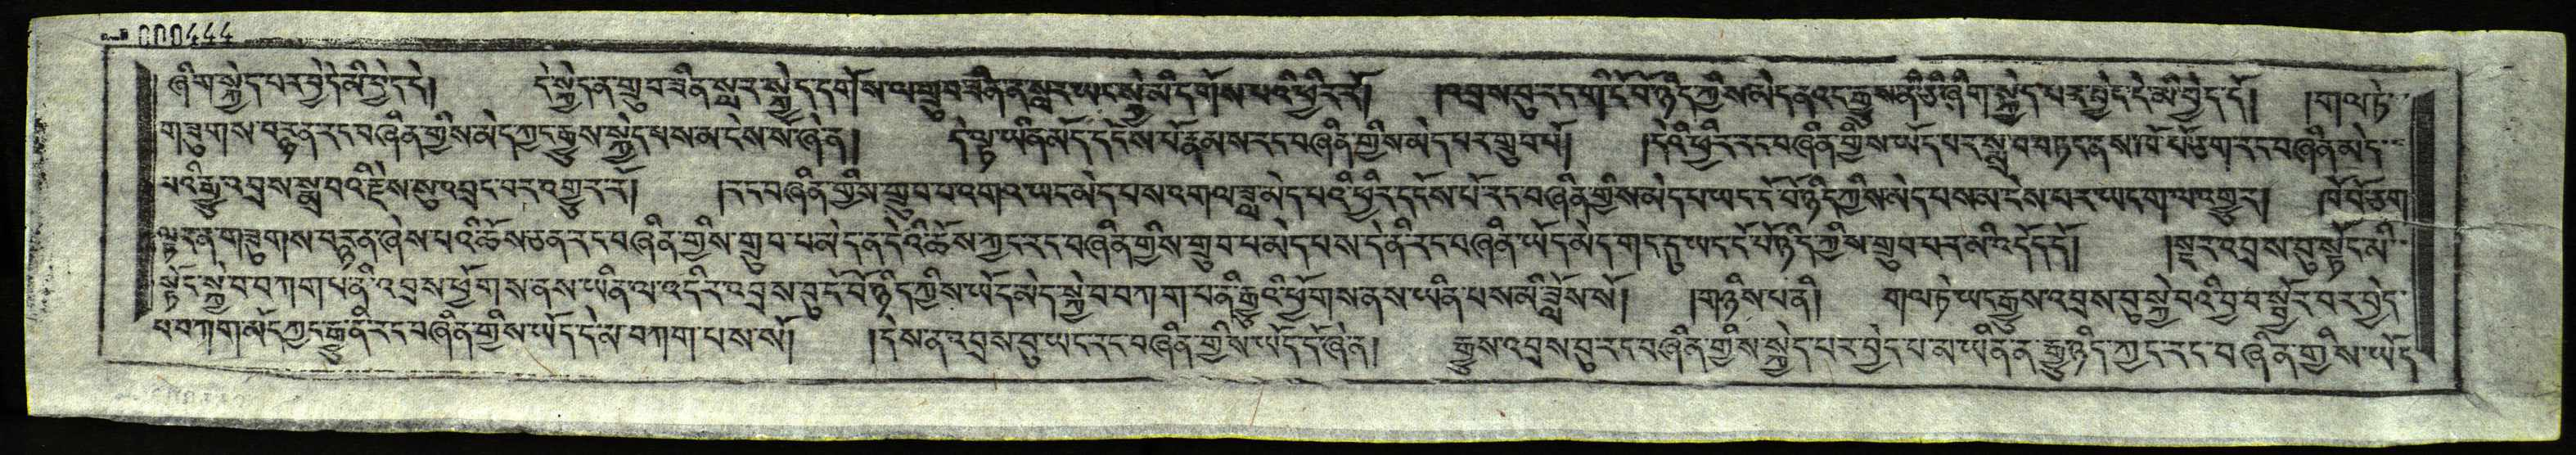ཞིག་སྐྱེད་པར་བྱེད་དེ་མི་བྱེད་དེ། དེ་སྐྱེད་ན་གྲུབ་ཟིན་སླར་སྐྱེད་དགོས་ལ་གྲུབ་ཟིན་ན་སླར་ཡང་སྐྱེ་མི་དགོས་པའི་ཕྱིར་རོ། །འབྲས་བུ་རང་གི་ངོ་བོ་ཉིད་ཀྱིས་མེད་ནའང་རྒྱུས་ནི་ཅི་ཞིག་སྐྱེད་པར་བྱེད་དེ་མི་བྱེད་དོ། །གལ་ཏེ་
གཟུགས་བརྙན་རང་བཞིན་གྱིས་མེད་ཀྱང་རྒྱུས་སྐྱེད་པས་མ་ངེས་སོ་ཞེ་ན། དེ་ལྟ་ཡིན་མོད་དངོས་པོ་རྣམས་རང་བཞིན་གྱིས་མེད་པར་གྲུབ་བོ། །དེའི་ཕྱིར་རང་བཞིན་གྱིས་ཡོད་པར་སྨྲ་བ་བཏང་ནས་ཁོ་བོ་ཅག་རང་བཞིན་མེད་
པའི་རྒྱུ་འབྲས་སྨྲ་བའི་རྗེས་སུ་འབྲང་བར་འགྱུར་རོ། །རང་བཞིན་གྱིས་གྲུབ་པ་འགའ་ཡང་མེད་པས་འགལ་ཟླ་མེད་པའི་ཕྱིར་དངོས་པོ་རང་བཞིན་གྱིས་མེད་པ་ཡང་ངོ་བོ་ཉིད་ཀྱིས་མེད་པས་མ་ངེས་པར་ཡང་ག་ལ་འགྱུར། ཁོ་བོ་ཅག་
ལྟར་ན་གཟུགས་བརྙན་ཞེས་པའི་ཆོས་ཅན་རང་བཞིན་གྱིས་གྲུབ་པ་མེད་ན་དེའི་ཆོས་ཀྱང་རང་བཞིན་གྱིས་གྲུབ་པ་མེད་པས་དེ་ནི་རང་བཞིན་ཡོད་མེད་གང་དུ་ཡང་ངོ་བོ་ཉིད་ཀྱིས་གྲུབ་པར་མི་འདོད་དོ། །སྔར་འབྲས་བུ་སྟོང་མི་
སྟོང་སྐྱེ་བ་བཀག་པ་ནི་འབྲས་ཕྱོགས་ནས་ཡིན་ལ་འདིར་འབྲས་བུ་ངོ་བོ་ཉིད་ཀྱིས་ཡོད་མེད་སྐྱེ་བ་བཀག་པ་ནི་རྒྱུའི་ཕྱོགས་ནས་ཡིན་པས་མི་ཟློས་སོ། །གཉིས་པ་ནི། གལ་ཏེ་ཡང་རྒྱུས་འབྲས་བུ་སྐྱེ་བའི་བྱ་བ་སྦྱོར་བར་བྱེད་
པ་བཀག་མོད་ཀྱང་རྒྱུ་ནི་རང་བཞིན་གྱིས་ཡོད་དེ་མ་བཀག་པས་སོ། །དེས་ན་འབྲས་བུ་ཡང་རང་བཞིན་གྱིས་ཡོད་དོ་ཞེ་ན། རྒྱུས་འབྲས་བུ་རང་བཞིན་གྱིས་སྐྱེད་པར་བྱེད་པ་མ་ཡིན་ན་རྒྱུ་ཉིད་ཀྱང་རང་བཞིན་གྱིས་ཡོད་